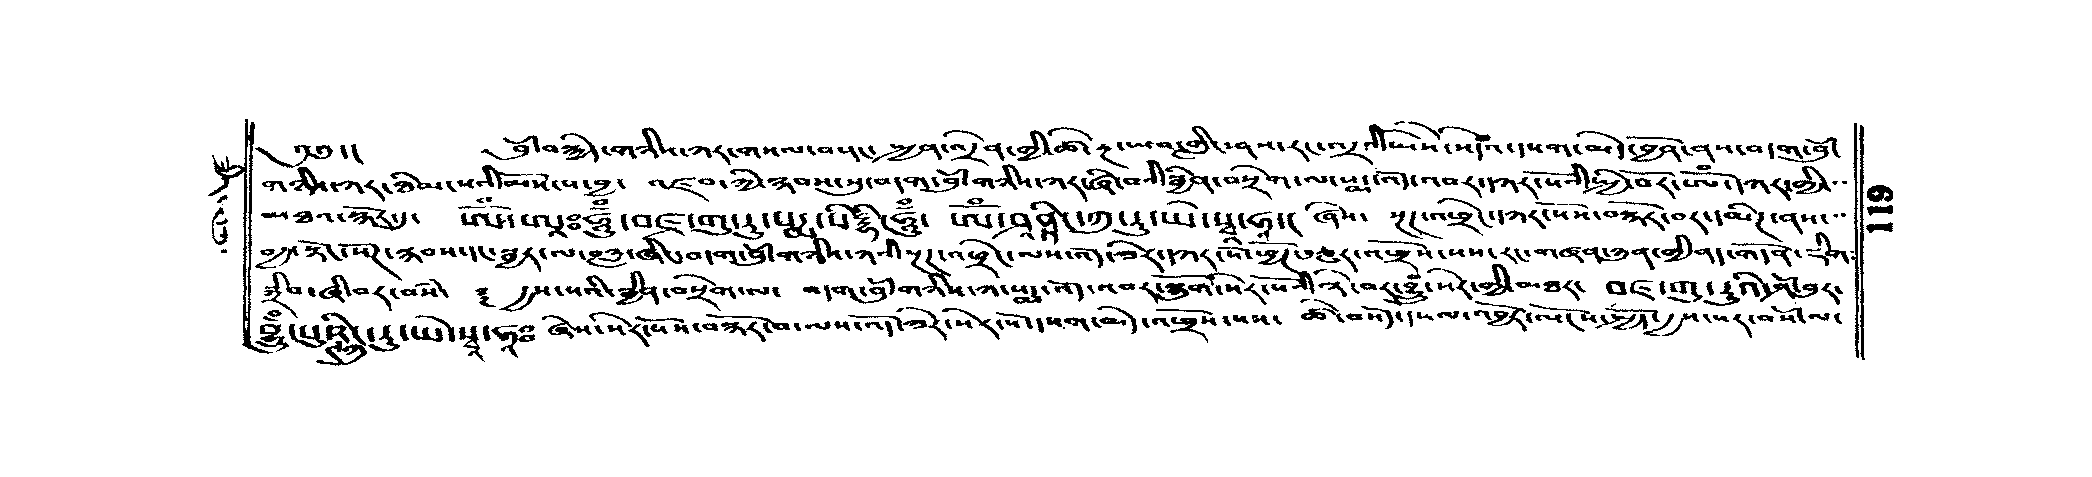བུམ་བསྐྱེད་གཉིས་ཀར་གསལ་བ་དང་། སྤྱན་འདྲེན་གྱི་ཚེ་རྔ་ཡབ་གླིང་ནས་རང་འདྲའི་ཡེ་ཤེས་སེམས་དཔའ་དཔག་མེད་བྱོན་ནས་བདག་བུམ་
གཉིས་ཀར་ཐིམ་པའི་མོས་པ་བྱ། འཛབ་ཀྱི་སྐབས་སུ་བདག་བུམ་གཉིས་ཀར་ཞི་བའི་སྦྱིན་སྲེག་ལ་པདྨ་འོད་འབར་དཀར་པོའི་སྤྱི་བོར་ཨོྃ་དཀར་གྱི་
མཐའ་སྐོར་དུ། ཨོྃ་ཨཱ་ཧཱུྃ་བཛྲ་གུ་རུ་པདྨ་སིདྡྷི་ཧཱུྃ། ཨོྃ་ཤཱནྟིང་ཀུ་རུ་ཡེ་སྭཱ་ཧཱ། ཞེས་སྔགས་ཕྲེང་དཀར་པོས་བསྐོར་བར་དམིགས་ནས་
བརྒྱ་སྟོང་སོགས་སྐབས་དང་སྦྱར་ལ་བཟླ་ཞིང་བདག་བུམ་གཉིས་ཀའི་སྔགས་འཕྲེང་ལས་འོད་ཟེར་དཀར་པོ་ཕྱོགས་བཅུར་འཕྲོས་པས་རང་གཞན་ཀུན་གྱི་ནད་གདོན་སྡིག་
སྒྲིབ་ཞི་བར་བསམ། ༈ རྒྱས་པའི་སྦྱིན་སྲེག་ལ། བདག་བུམ་གཉིས་ཀ་པདྨ་འོད་འབར་སྐུ་མདོག་སེར་པོའི་ལྟེ་བར་བྷྲུཾ་་སེར་གྱི་མཐར། བཛྲ་གུ་རུའི་ཤམ་བུར་
བྷྲུཾ་པུཥྚིང་ཀུ་རུ་ཡེ་སྭཱ་ཧཱཿ ཞེས་སེར་པོས་བསྐོར་བ་ལས་འོད་ཟེར་སེར་པོ་དཔག་མེད་འཕྲོས་པས། ཚེ་བསོད་དཔལ་འབྱོར་ལོངས་སྤྱོད་རྒྱས་པས་བསམ་ལ་